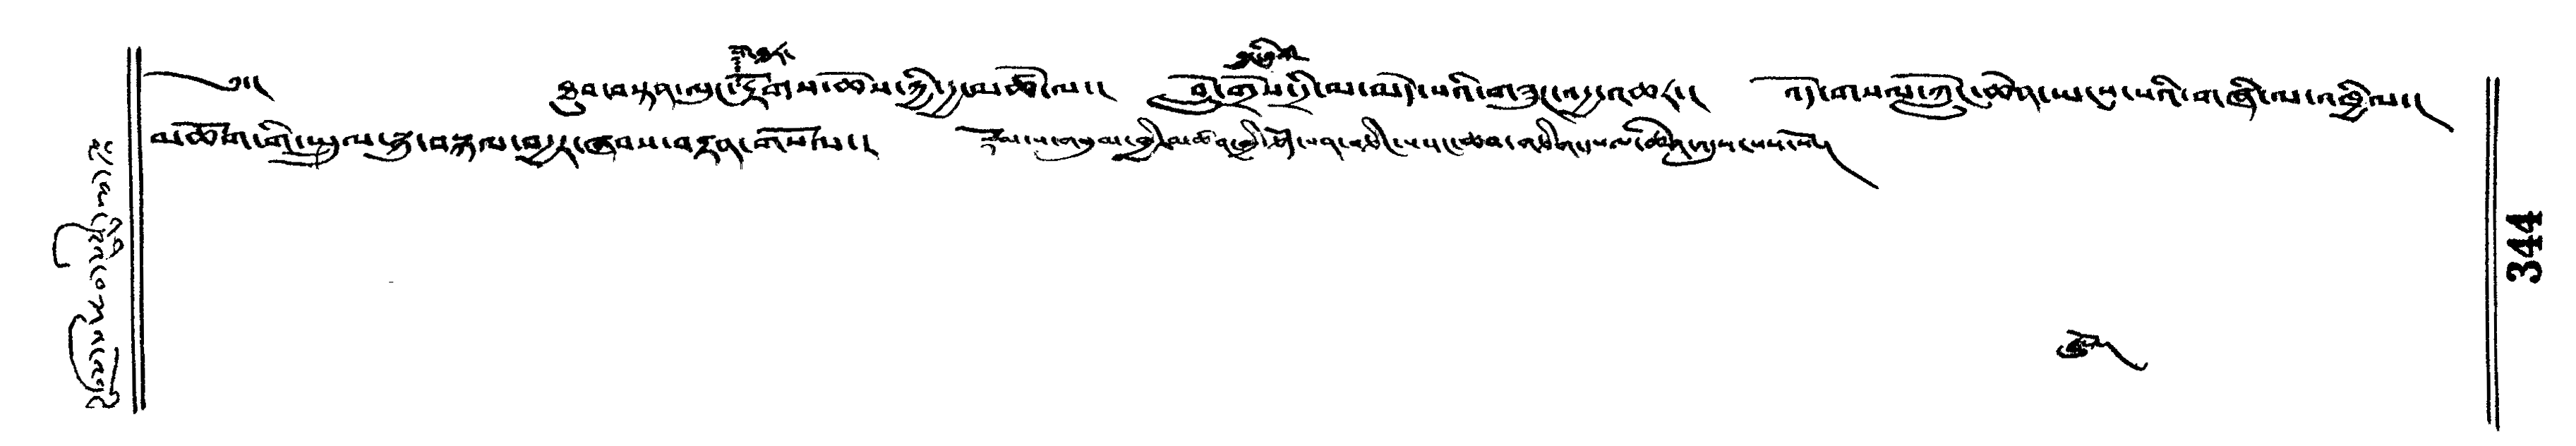ཐུབ་བསྟན་ལུང་སོ་ཐར་རྟོགས་ཆོས་ཀྱི་རྒྱ་མཚོ་ལ། །བློ་གྲོས་བྱང་སེམས་དྲི་མ་མེད་པའི་གཟུགས་བརྒྱ་འཆར། །འོད་གསལ་གསང་སྔགས་ཀློང་ཆེན་ཡངས་པའི་གཞི་ལ་འཁྱིལ། །
མཆོག་གི་སྤྲུལ་སྐུ་བསྐལ་བརྒྱར་ཞབས་བརྟན་གསོལ། སྡོམ་པ་གསུམ་གྱི་མཚན་གྱི་ཅོད་པཎ་བཅིངས་པ་དང་ཆབས་གཅིག་དཔལ་ཆེན་འདུས་པས་སོ།། ཞུས་སོ།